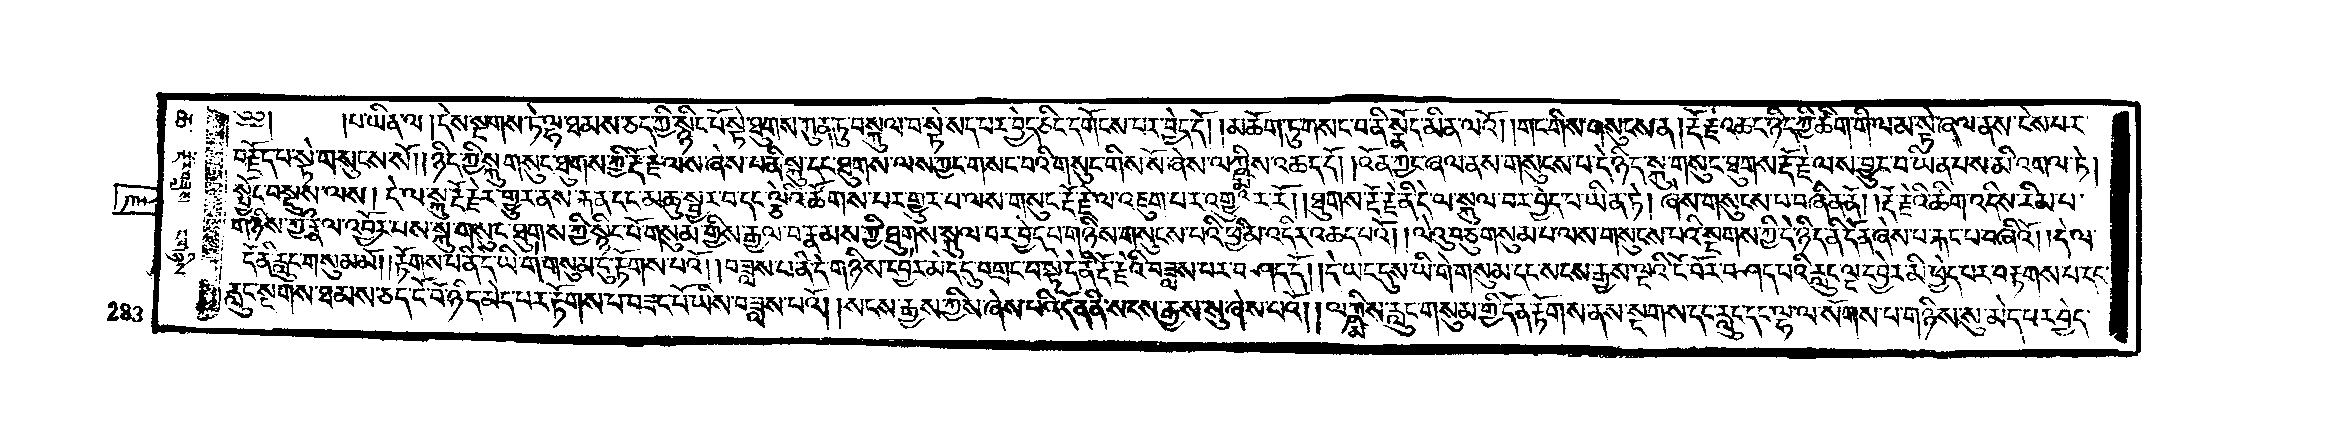༄༅། །པོ་ཡིན་ལ། དེས་སྔགས་ཏེ་ལྷ་ཐམས་ཅད་ཀྱི་སྙིང་པོ་སྟེ་ཐུགས་ཀུན་ཏུ་བསྐུལ་བ་སྟེ་སད་པར་བྱེད་ཅིང་དགོངས་པར་བྱེད་དོ། །མཆོག་ཏུ་གསང་བ་ནི་སྣོད་མིན་ལའོ། །གང་གིས་གསུངས་ན། རྡོ་རྗེ་འཆང་ཉིད་ཀྱི་ཚིག་གི་ལམ་སྟེ་ཞལ་ནས་ངེས་པར་
བརྗོད་པ་སྟེ་གསུངས་སོ། །ཉིད་ཀྱི་སྐུ་གསུང་ཐུགས་ཀྱི་རྡོ་རྗེ་ལས་ཞེས་པ་ནི་སྐུ་དང་ཐུགས་ལས་ཀྱང་གསང་བའི་གསུང་གིས་སོ་ཞེས་ལཀྵྨཱིས་འཆད་དོ། །འོན་ཀྱང་ཞལ་ནས་གསུངས་པ་དེ་ཉིད་སྐུ་གསུང་ཐུགས་རྡོ་རྗེ་ལས་བྱུང་བ་ཡིན་པས་མི་འགལ་ཏེ།
སྤྱོད་བསྡུས་ལས། དེ་ལ་སྐུ་རྡོ་རྗེར་གྱུར་ནས་རྐན་དང་མཆུ་སྦྱར་བ་དང་ལྕེའི་ཚོགས་པར་གྱུར་པ་ལས་གསུང་རྡོ་རྗེ་ལ་འཇུག་པར་འགྱུར་རོ། །ཐུགས་རྡོ་རྗེ་ནི་དེ་ལ་སྐུལ་བར་བྱེད་པ་ཡིན་ཏེ། ཞེས་གསུངས་པ་བཞིན་ནོ། །རྡོ་རྗེའི་ཚིག་འདིས་རིམ་པ་
གཉིས་ཀྱི་རྣལ་འབྱོར་པས་སྐུ་གསུང་ཐུགས་ཀྱི་སྙིང་པོ་གསུམ་གྱིས་རྒྱལ་བ་རྣམས་ཀྱི་ཐུགས་སྐུལ་བར་བྱེད་པ་གཉིས་གསུངས་པའི་ཕྱི་མ་འདིར་འཆད་པའོ། །ལེའུ་བཅུ་གསུམ་པ་ལས་གསུངས་པའི་སྔགས་ཀྱི་དེ་ཉིད་ནི་དོན་ཞེས་པ་རྐང་པ་བཞིའོ། །དེ་ལ་
དོན་ནི་རླུང་གསུམ་མོ། །རྟོགས་པ་ནི་དེ་ཡི་གེ་གསུམ་དུ་རྟོགས་པའོ། །བཟླས་པ་ནི་དེ་གཉིས་དབྱེར་མེད་དུ་བགྲང་བ་སྟེ་དེ་ནི་རྡོ་རྗེའི་བཟླས་པར་བཤད་དོ། །དེ་ཡང་དུས་ཡི་གེ་གསུམ་དང་སངས་རྒྱས་ལྔའི་ངོ་བོར་བཤད་པའི་རླུང་ལྔ་དབྱེར་མི་ཕྱེད་པར་བརྟགས་པ་དང་
རླུང་སྔགས་ཐམས་ཅད་ངོ་བོ་ཉིད་མེད་པར་རྟོགས་པ་བཟང་པོ་ཡིས་བཟླས་པའོ། །སངས་རྒྱས་ཀྱིས་ཞེས་པའི་དོན་ནི་སངས་རྒྱས་སུ་ཞེས་པའོ། །ལཀྵྨཱིས་རླུང་གསུམ་གྱི་དོན་རྟོགས་ནས་སྔགས་དང་རླུང་དང་ལྷ་ལ་སོགས་པ་གཉིས་སུ་མེད་པར་བྱེད་